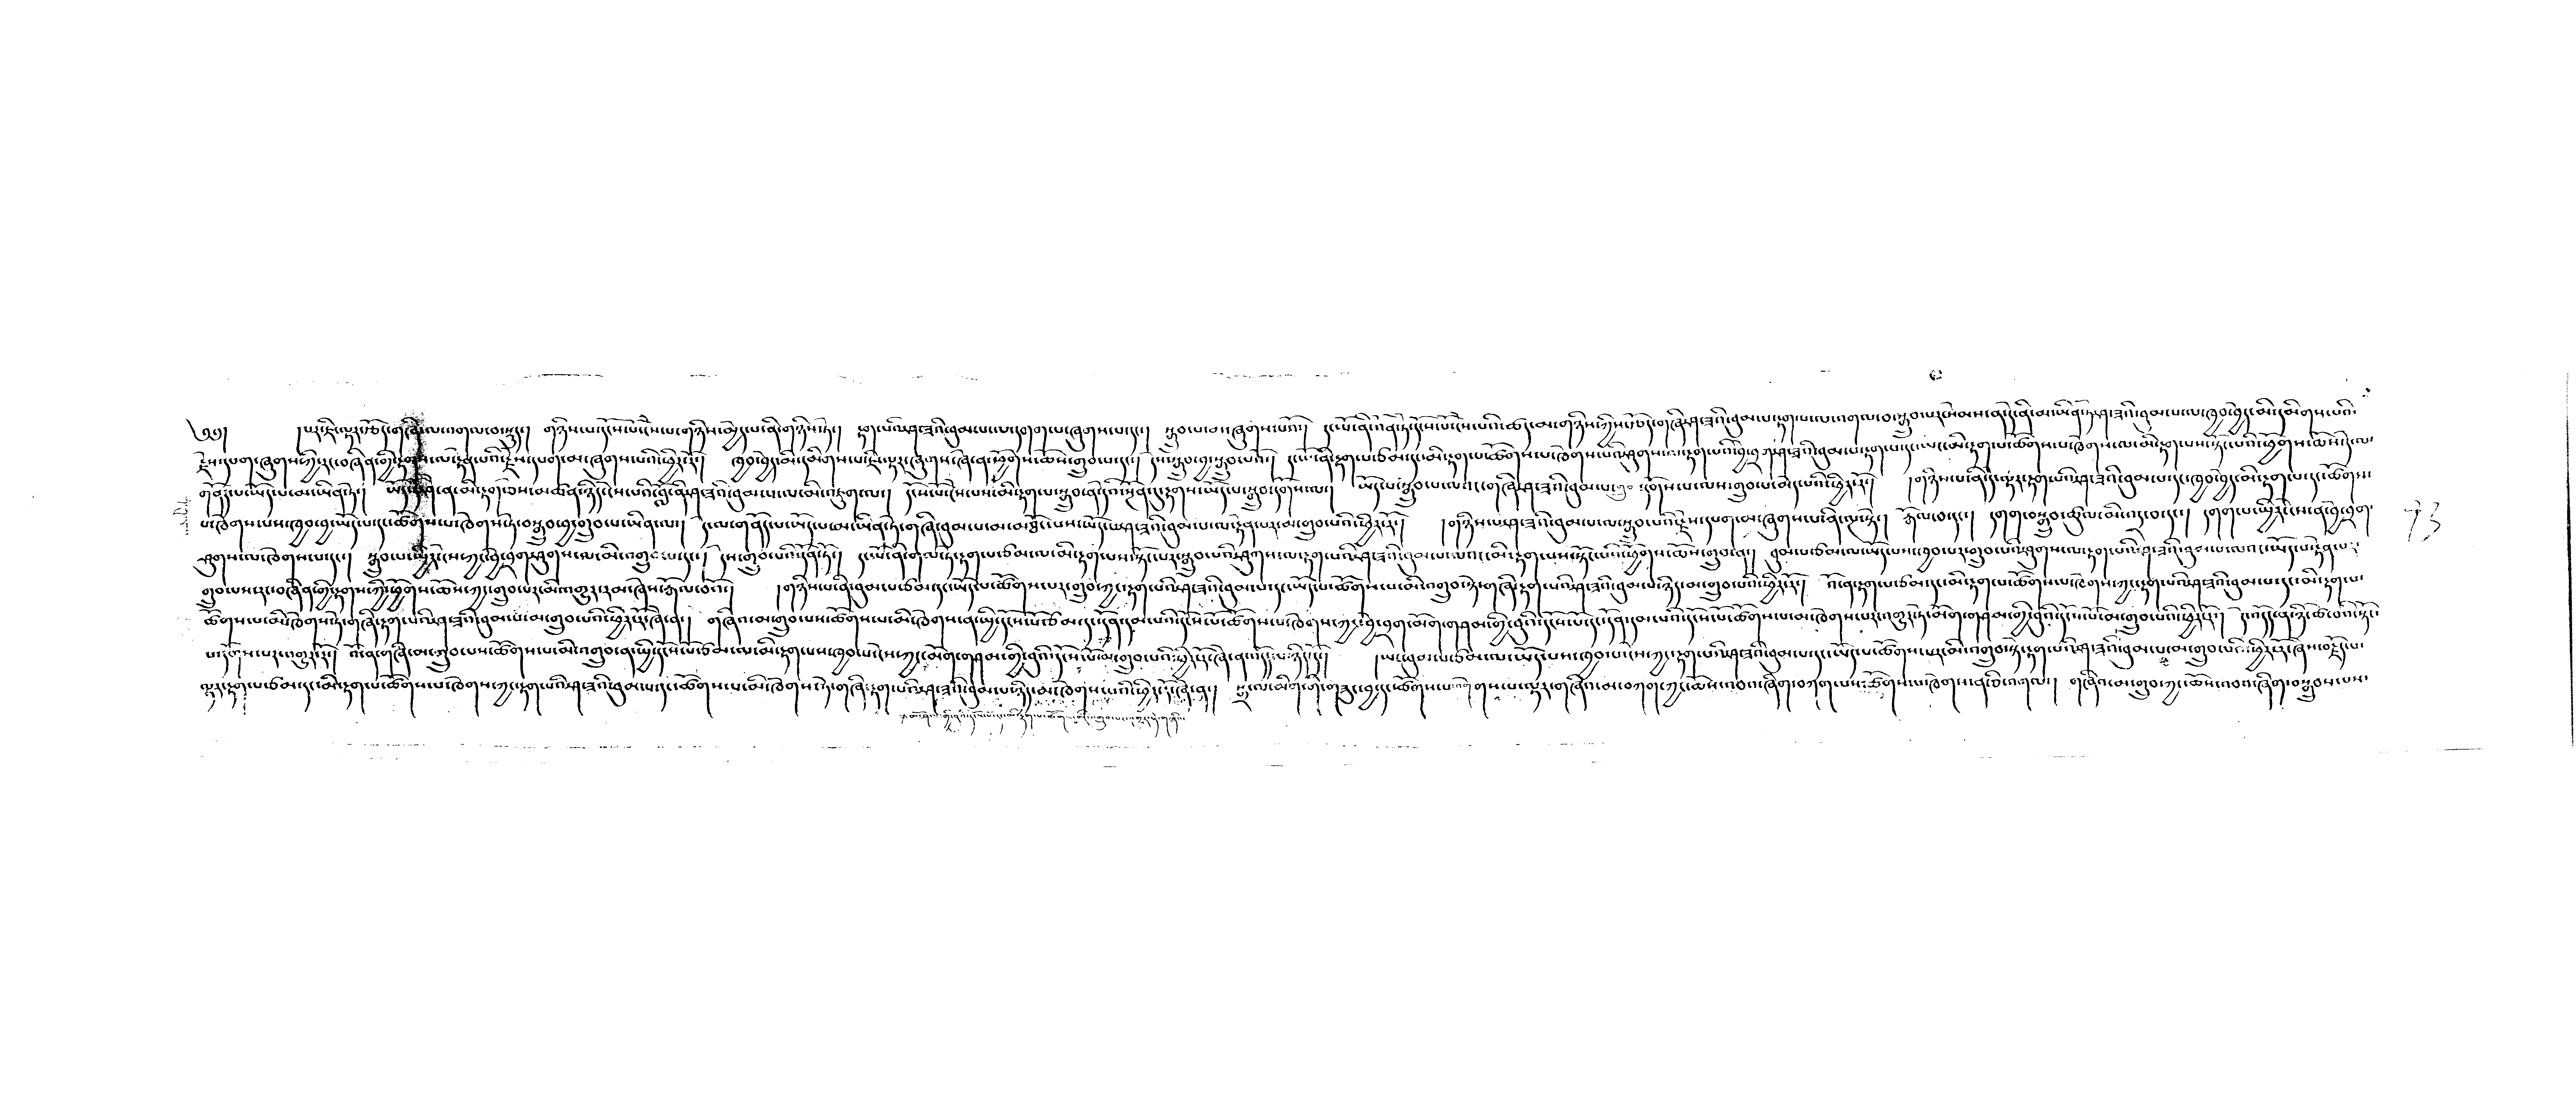༄༅། །པར་ཇི་ལྟར་རྩོད་གཞི་ལ་འགལ་བ་སྡུད། གཉིས་པ་དངོས་པོ་ངེས་པ་གཉིས་མེད?་པ་ནི་གཉིས་ཏེ། རྟག་པའི་ཤ་ཟའི་བུམ་པ་ལ་དགག་པ་ཞུགས་པ་དང་། སྒྲུབ་པ་མ་ཞུགས་པའོ། དང་པོ་ནི་འོན་ཏེ་དངོས་པོ་ངེས་པའི་ཚད་མ་གཉིས་ཀྱིས་རྩོད་གཞི་ཤ་ཟའི་བུམ་པ་རྟག་པ་ལ་འགལ་བ་སྒྲུབ་པར་སེམས་ན་དེ་ནི་མ་ཡིན་ཏེ་ཤ་ཟའི་བུམ་པ་ལ་ཁྱབ་བྱེད་མི་དམིགས་པའི་
རྗེས་དཔག་ཞུགས་ཀྱི་རང་བཞིན་གྱི་རྟགས་ལ་རྟེན་པའི་རྗེས་དཔག་མ་ཞུགས་པའི་ཕྱིར་རོ། ཁྱབ་བྱེད་མི་དམིགས་པ་ཇི་ལྟར་ཞུགས་ཞེ་ན་ཕྱོགས་ཆོས་གྲུབ་པ་དང་། དེས་སྒྲུབ་བྱ་སྒྲུབ་པའོ། དང་པོ་ནི་རྟག་པ་ཙམ་དང་མི་རྟག་པ་ཚོགས་པ་ཁེགས་པའི་ཤུགས་ལ་རྟག་པའི་བྱེ་བྲག་ཤ་ཟའི་བུམ་པ་རྟག་པ་དང་ཡང་མི་རྟག་པ་ཚོགས་པ་ཁེགས་ལ་མི་རྟག་པས་སྟོང་པའི་ཕྱོགས་མོས་དེ་ལ་
གནོད་པ་ཡོད་པ་མ་ཡིན་ཏེ། ཡོད་དེ་ཤོ་ན་མི་རྟག་ཅེས་མཚན་ཉིད་ངེས་པའི་བློ་ནི་ཤ་ཟའི་བུམ་པ་ལ་མི་འཇུག་ལ། དངོས་པོ་ངེས་པས་མི་རྟག་པ་སྒྲུབ་ན་དེའི་སྔོན་དུ་རྟགས་ཡོད་པ་སྒྲུབ་དགོས་ལ། ཡོད་པ་སྒྲུབ་པ་ལའང་གཞི་ཤ་ཟའི་བུམ་པ་གྲུབ་དགོས་པ་ལས་གྲུབ་པ་མེད་པའི་ཕྱིར་རོ། །གཉིས་པ་ནི་དེ་ལྟར་རྟག་པའི་ཤ་ཟའི་བུམ་པ་དང་ཁྱབ་བྱེད་མི་རྟག་པ་དང་ཚོགས་
པ་ཁེགས་པས་ཁྱབ་བྱ་ཡོད་པ་དང་ཚོགས་པ་ཁེགས་ཏེ་བསྒྲུབ་བྱ་གྲུབ་པ་ཡིན་ལ། དེ་ལ་གནོད་པ་ཡོད་པ་མ་ཡིན་ཏེ་གཞི་བུམ་པ་མ་མཐོང་པས་ཡོད་པ་ཤ་ཟའི་བུམ་པ་ལ་རྟེན་པར་མ་གྲུབ་པའི་ཕྱིར་རོ། །གཉིས་པ་ཤ་ཟའི་བུམ་པ་ལ་སྒྲུབ་པའི་རྗེས་དཔག་མ་ཞུགས་པ་ནི་ལྔ་སྟེ། རྒོལ་བ་དང་། དགག་བསྒྲུབ་ཚུལ་མི་འདྲ་བ་དང་། དགག་པ་ཕྱིར་ངེས་ན་བྱེ་བྲག་
ཤུགས་ལ་ཁེགས་པ་དང་། སྒྲུབ་པ་ཕྱིར་ངེས་ཀྱང་བྱེ་བྲག་ཤུགས་ལ་མི་འགྲུབ་པ་དང་། དེས་གྲུབ་པའི་དོན་ཏོ། དང་པོ་ནི་གལ་ཏེ་རྟག་པ་ཙམ་ལ་མི་རྟག་པས་སྟོང་པར་སྒྲུབ་པའི་ཤུགས་ལ་རྟག་པའི་ཤ་ཟའི་བུམ་པ་ལའང་མི་རྟག་པས་སྟོང་པའི་ཕྱོགས་མོས་གྲུབ་ན། བུམ་པ་ཙམ་ལ་ཡོད་པས་ཁྱབ་པར་གྲུབ་པའི་ཤུགས་ལ་རྟག་པའི་ཤ་ཟའི་བུམ་པ་ལའང་ཡོད་པ་རྟེན་པར་
གྲུབ་པས་རང་བཞིན་གྱི་རྟགས་ཀྱི་ཕྱོགས་ཆོས་ཀྱང་གྲུབ་པར་མི་འགྱུར་རམ་ཞེས་རྒོལ་བའོ། །གཉིས་པ་ནི་བུམ་པ་ཙམ་དང་ཡོད་པ་ཚོགས་པར་གྲུབ་ཀྱང་རྟག་པའི་ཤ་ཟའི་བུམ་པ་དང་ཡོད་པ་ཚོགས་པ་མི་འགྲུབ་སྟེ་གཞི་རྟག་པའི་ཤ་ཟའི་བུམ་པ་ཉིད་མ་གྲུབ་པའི་ཕྱིར་རོ། འོ་ན་རྟག་པ་ཙམ་དང་མི་རྟག་པ་ཚོགས་པ་ཁེགས་ཀྱང་རྟག་པའི་ཤ་ཟའི་བུམ་པ་དང་མི་རྟག་པ་
ཚོགས་པ་མི་ཁེགས་ཏེ་གཞི་རྟག་པའི་ཤ་ཟའི་བུམ་པ་མ་གྲུབ་པའི་ཕྱིར་རོ་ཞེ་ན། གཞིའ་མ་གྲུབ་པས་ཚོགས་པ་མི་ཁེགས་ན་སྤྱི་དངོས་པོ་ཙམ་དང་དོན་དམ་པའི་དངོས་པོ་ཚོགས་པ་ཁེགས་ཀྱང་བྱེ་བྲག་མོག་གཤམ་གྱི་བུའི་དངོས་པོ་དང་དོན་དམ་པའི་དངོས་པོ་ཚོགས་པ་མ་ཁེགས་པར་འགྱུར་ཏེ་མོག་གཤམ་གྱི་བུའི་དངོས་པོ་མ་གྲུབ་པའི་ཕྱིར་རོ། དེ་འདོད་ན་ཉི་ཚེ་བའི་སྟོང་
པ་དགོས་པར་འགྱུར་རོ། འོ་ན་གཞི་མ་གྲུབ་པས་ཚོགས་པ་མི་འགྲུབ་ན་སྤྱི་དངོས་པོ་ཙམ་ལ་མི་རྟག་པས་ཁྱབ་པ་ངེས་ཀྱང་མོག་གཤམ་གྱི་བུའི་དངོས་པོ་མ་གྲུབ་པའི་ཕྱིར་རོ་ཞེ་ན་འདོད་པ་ཉིད་དོ། །ཡང་བུམ་པ་ཙམ་ལ་ཡོད་པས་ཁྱབ་པ་ངེས་ཀྱང་རྟག་པའི་ཤ་ཟའི་བུམ་པ་དང་ཡོད་པ་ཚོགས་པར་མི་འགྲུབ་སྟེ་རྟག་པའི་ཤ་ཟའི་བུམ་པ་མ་གྲུབ་པའི་ཕྱིར་རོ་ཞེས་བརྗོད་པ་
ལྟར་རྟག་པ་ཙམ་དང་མི་རྟག་པ་ཚོགས་པ་ཁེགས་ཀྱང་རྟག་པའི་ཤ་ཟའི་བུམ་པ་དང་ཚོགས་པ་མི་ཁེགས་ཏེ་གཞི་རྟག་པའི་ཤ་ཟའི་བུམ་པ་ཉིད་མ་ཁེགས་པའི་ཕྱིར་རོ་ཞེ་ན། སྒྲ་ལ་མིག་གི་གཟུང་བྱ་དང་ཚོགས་པ་འགེགས་པ་ལྟར་གཞིའ་མ་བཀག་ཀྱང་ཆོས་འབའ་ཞིག་བཀག་པས་ཚོགས་པ་ཁེགས་ན་ཅི་འགལ། གཞིའ་མ་གྲུབ་ཀྱང་ཆོས་འབའ་ཞིག་བསྒྲུབས་པས་